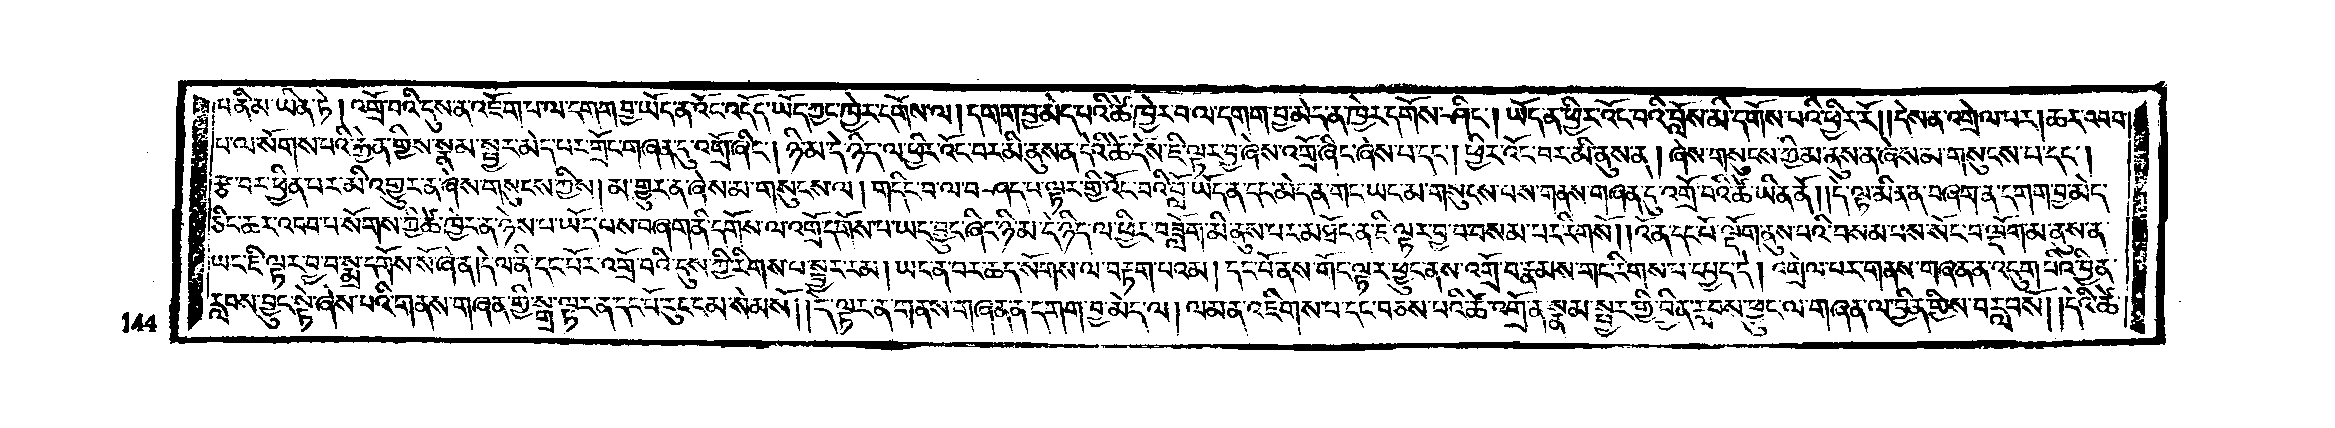པ་ནི་མ་ཡིན་ཏེ། འགྲོ་བའི་དུས་ན་འཇོག་པ་ལ་དགག་བྱ་ཡོད་ན་འོང་འདོད་ཡོད་ཀྱང་ཁྱེར་དགོས་ལ། དགག་བྱ་མེད་པའི་ཚེ་ཁྱེར་བ་ལ་དགག་བྱ་མེད་ན་ཁྱེར་དགོས་ཤིང་། ཡོད་ན་ཕྱིར་འོང་བའི་བློས་མི་དགོས་པའི་ཕྱིར་རོ། །དེས་ན་འགྲེལ་པར། ཆར་འབབ་
པ་ལ་སོགས་པའི་རྐྱེན་གྱིས་སྣམ་སྦྱར་མེད་པར་གྲེང་གཞན་དུ་འགྲོ་ཞིང་། ཉི་མ་དེ་ཉིད་ལ་ཕྱིར་འོང་བར་མི་ནུས་ན་དེའི་ཚེ་དེས་ཇི་ལྟར་བྱ་ཞེས་འགྲོ་ཞིང་ཞེས་པ་དང་། ཕྱིར་འོང་བར་མི་ནུས་ན། ཞེས་གསུངས་ཀྱི་མ་ནུས་ན་ཞེས་མ་གསུངས་པ་དང་།
རྩ་བར་ཕྱིན་པར་མི་འགྱུར་ན་ཞེས་གསུངས་ཀྱིས། མ་གྱུར་ན་ཞེས་མ་གསུངས་ལ། གདིང་བ་ལ་བཤད་པ་ལྟར་གྱི་འོང་བའི་བློ་ཡོད་ན་དང་མེད་ན་གང་ཡང་མ་གསུངས་པས་གནས་གཞན་དུ་འགྲོ་བའི་ཚེ་ཡིན་ནོ། །དེ་ལྟ་མིན་ན་བཞག་ན་དགག་བྱ་མེད་
ཅིང་ཆར་འབབ་པ་སོགས་ཀྱི་ཚེ་ཁྱེར་ན་ཉེས་པ་ཡོད་པས་བཞག་ནི་དགོས་ལ་འགྲོ་དགོས་པ་ཡང་བྱུང་ཞིང་ཉི་མ་དེ་ཉིད་ལ་ཕྱིར་བཟློག་མི་ནུས་པར་མཐོང་ན་ཇི་ལྟར་བྱ་བ་བསམ་པར་རིགས་སོ། །འོ་ན་དང་པོ་ལྡོག་ནུས་པའི་བསམ་པས་སོང་བ་ལྡོག་མ་ནུས་ན་
ཡང་ཇི་ལྟར་བྱ་བ་སྨྲ་དགོས་སོ་ཞེ་ན། དེ་ལ་ནི་དང་པོར་འགྲོ་བའི་དུས་ཀྱི་རིགས་པ་སྦྱར་རམ། ཡང་ན་བར་ཆད་སོགས་ལ་བརྟག་པའམ། དང་པོ་ནས་གོང་ལྟར་ཕྱུང་ནས་འགྲོ་བ་རྣམས་གང་རིགས་པ་དཔྱད་དེ། འགྲེལ་པར་གནས་གཞན་ན་འདུག་པའི་བྱིན་
རླབས་བྱུང་སྟེ་ཞེས་པའི་གནས་གཞན་གྱི་སྒ་ལྟར་ན་དང་པོ་རུང་ངམ་སེམས་སོ། །དེ་ལྟར་ན་གནས་གཞན་ན་དགག་བྱ་མེད་ལ། ལམ་ན་འཇིགས་པ་དང་བཅས་པའི་ཚེ་འགྲོ་ན་སྣམ་སྤྱར་གྱི་བྱིན་རླབས་ཕྱུང་ལ་གཞན་ལ་བྱིན་གྱིས་བརླབས་སོ། །དེའི་ཚེ་